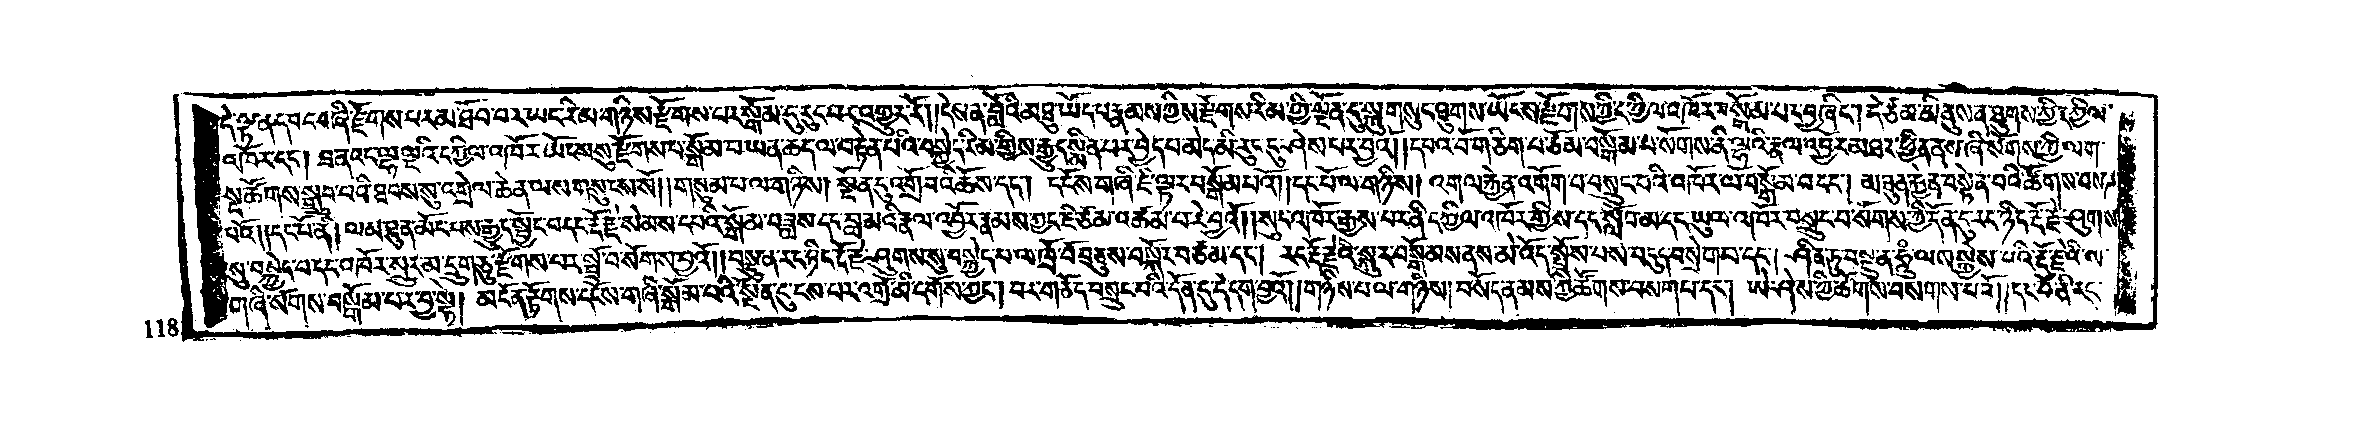དེ་ལྟ་ན་དབང་བཞི་རྫོགས་པར་མ་ཐོབ་པར་ཡང་རིམ་གཉིས་རྫོགས་པར་སྒོམ་དུ་རུང་བར་འགྱུར་རོ། །དེས་ན་བློའི་མཐུ་ཡོད་པ་རྣམས་ཀྱིས་རྫོགས་རིམ་གྱི་སྔོན་དུ་སྐུ་གསུང་ཐུགས་ཡོངས་རྫོགས་ཀྱི་དཀྱིལ་འཁོར་བསྒོམ་པར་བྱ་ཞིང་། དེ་ཙམ་མི་ནུས་ན་ཐུགས་ཀྱི་དཀྱིལ་
འཁོར་དང་། ཐ་ནའང་ལྷ་ལྔའི་དཀྱིལ་འཁོར་ཡོངས་སུ་རྫོགས་པ་སྒོམ་པ་ཡན་ཆད་ལ་བརྟེན་པའི་བསྐྱེད་རིམ་གྱིས་རྒྱུད་སྨིན་པར་བྱེད་པ་མེད་མི་རུང་དུ་ཤེས་པར་བྱའོ། །དཔའ་བོ་གཅིག་པ་ཙམ་བསྒོམ་པ་སོགས་ནི་ལྷའི་རྣལ་འབྱོར་མཐར་ཕྱིན་ནས་ཞི་སོགས་ཀྱི་ལག་
སྔ་ཚོགས་སྒྲུབ་པའི་ཐབས་སུ་འགྲེལ་ཆེན་ལས་གསུངས་སོ། །གསུམ་པ་ལ་གཉིས། སྔོན་དུ་འགྲོ་བའི་ཆོས་དང་། དངོས་གཞི་ཇི་ལྟར་བསྒོམ་པའོ། །དང་པོ་ལ་གཉིས། འགལ་རྐྱེན་འགོག་པ་བསྲུང་བའི་འཁོར་ལོ་བསྒོམ་པ་དང་། མཐུན་རྐྱེན་བསྟེན་པའི་ཚོགས་བསགས་
པའོ། །དང་པོ་ནི། ལམ་ཐུན་མོང་བས་རྒྱུད་སྦྱོང་བ་དང་རྡོ་རྗེ་སེམས་དཔའི་སྒོམ་བཟླས་དང་བླ་མའི་རྣལ་འབྱོར་རྣམས་ཀྱང་ཇི་ཙམ་འཚམ་པ་རེ་བྱའོ། །སུང་འཁོར་རྒྱས་པར་ནི་དཀྱིལ་འཁོར་གྱིས་དང་སློབ་མ་དང་ཡུལ་འཁོར་བསྲུང་བ་སོགས་ཀྱི་དོན་དུ་རང་ཉིད་རྡོ་རྗེ་ཤུགས་
སུ་བསྐྱེད་པ་དང་འཁོར་སྲུང་མ་དྲུག་ཅུ་རྫོགས་པར་སྤྲོ་བ་སོགས་བྱའོ། །བསྡུ་ན་རང་ཉིད་རྡོ་རྗེ་ཤུགས་སུ་བསྐྱེད་པ་ལ་ཁྲོ་བོ་བཅུས་བསྐོར་བ་ཙམ་དང་། རང་རྡོ་རྗེའི་སྐུར་བསྒོམས་ནས་མེ་འོད་སྤྲོས་པས་བདུད་བསྲེག་པ་དང་། ཤིན་ཏུ་བསྡུ་ན་ཧཱུཾ་ལས་སྐྱེས་པའི་རྡོ་རྗེའི་ས་
གཞི་སོགས་བསྒོམ་པར་བྱ་སྟེ། མངོན་རྟོགས་དངོས་གཞི་སྒོམ་པའི་སྔོན་དུ་ངས་པར་འགྲོ་མི་དགོས་ཀྱང་། བར་གཅོད་བསྲུང་བའི་དོན་དུ་དེ་དག་བྱའོ། །གཉིས་པ་ལ་གཉིས། བསོད་ནམས་ཀྱི་ཚོགས་བསག་པ་དང་། ཡེ་ཤེས་ཀྱི་ཚོགས་བསགས་པའོ། །དང་པོ་ནི་རང་